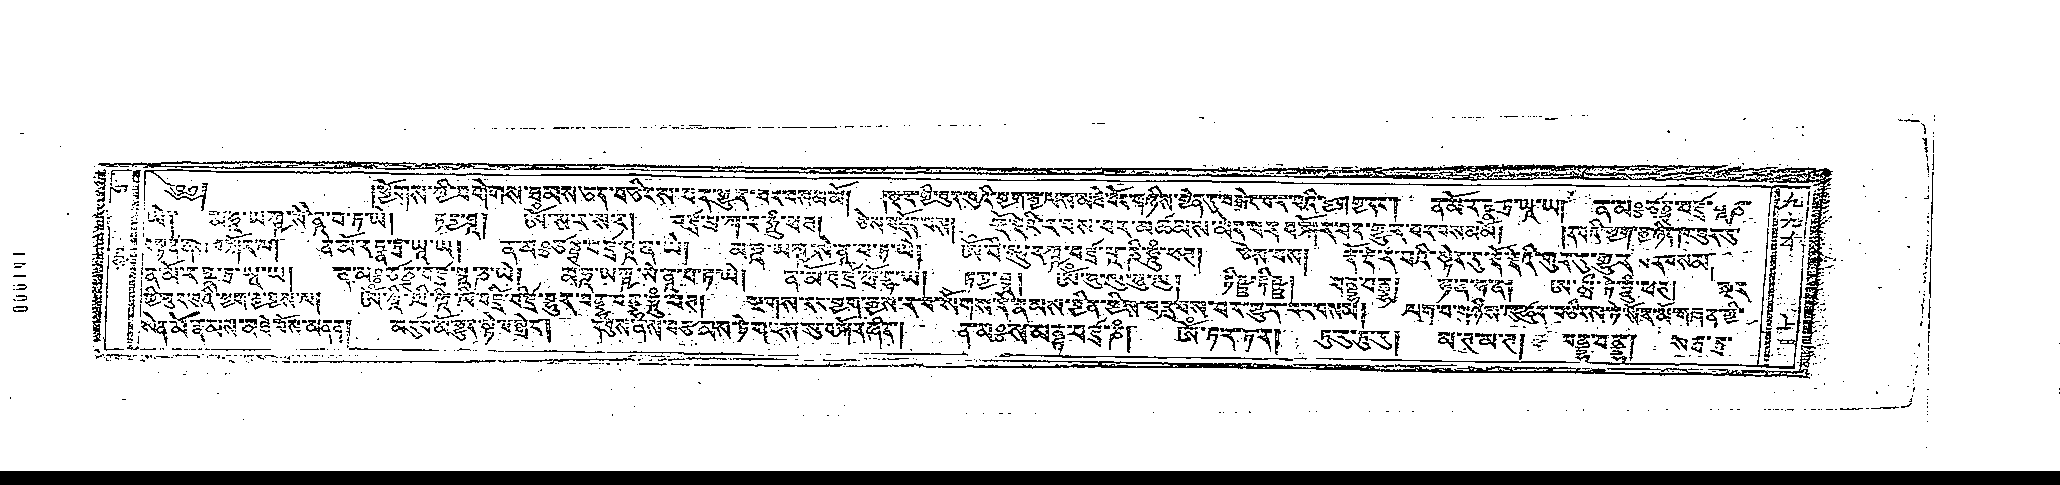༄༅། །ཕྱོགས་ཀྱི་བགེགས་ཐམས་ཅད་བཅིངས་པར་གྱུར་བར་བསམ་མོ། །སྔར་གྱི་ཕུར་པུའི་ཕྱག་རྒྱ་ལས་མཐེ་བོང་གཉིས་གྱེན་དུ་བགྲེང་བར་པའི་ཕྱག་རྒྱ་དང་། ན་མོ་རཏྣ་ཏྲ་ཡཱ་ཡ། ན་མཿ་ཙཎྚ་བཛྲ་པཱ་ཎ་
ཡེ༑ མཧཱ་ཡཀྵ་སེ་ནཱ་པ་ཏ་ཡེ། ཏདྱ་ཐཱ། ཨོཾ་ས་ར་ས་ར། བཛྲ་པ་ཀ་ར་ཧཱུཾ་ཕཊ། ཅེས་བརྗོད་པས། རྡོ་རྗེའི་རབས་བར་མཚམས་མེད་པར་བསྐོར་བར་གྱུར་བར་བསམ་མོ། །དཔའི་ཕྱག་རྒྱ་ཉིད་ཁ་ཐུར་དུ་
བསྟན་ནས་བསྐོར་ལ། ན་མོ་རཏྣ་ཏྲ་ཡཱ་ཡ། ན་མཿ་ཙཎྚ་བཛྲ་པཱ་ན་ཡེ། མཧཱ་ཡཀྵ་སེ་ནཱ་པ་ཏ་ཡེ། ཨོཾ་པི་སྥུ་རཀྵ་བཛྲ་པཱ་ཎི་ཧཱུཾ་ཕཊ། ཅེས་པས། རྡོ་རྗེ་ར་བའི་སྟེང་དུ་རྡོ་རྗེའི་གུར་དུ་གྱུར་པར་བསམ།
ན་མོ་རཏྣ་ཏྲ་ཡཱ་ཡ། ན་མཿ་ཙཎྚ་བཛྲ་པཱ་ཎ་ཡེ། མ་ཧཱ་ཡཀྵ་སེ་ནཱ་པ་ཏ་ཡེ། ན་མོ་བཛྲ་ཀྲོདྷ་ཡ། ཏཏྱ་ཐཱ་ཨོཾ་ཧུ་ལུ་ཧུ་ལུ། ཏིཥཊཿཨ་ཏིཥཊཿཨ། བནྡྷ་བནྡྷ། ཧ་ན་ཧ་ན། ཨ་མྲྀ་ཏེ་ཧཱུཾ་ཕཊ། སྔར་
གྱི་ཕུར་བུའི་ཕྱག་རྒྱ་བྱས་ལ། ཨོཾ་ཀཱི་ལི་ཀཱི་ལི་བཛྲི་བྷུར་བནྡྷ་བམདྷ་ཧཱུཾ་ཕཊ། སྔགས་དང་ཕྱག་རྒྱས་ར་བ་སོགས་དེ་རྣམས་བྱིན་གྱིས་བརླབས་པར་གྱུར་བར་བསམ། ལག་པ་གཉིས་ཁུ་ཚུར་བཅིངས་ཏེ་སོར་མོ་གཞན་གྱི་
སེན་མོ་རྣམས་མཐེ་པོས་མནན། མཛུབ་མོ་བྱུང་སྟེ་བསྒྲེང་། དབུས་ནས་བརྩམས་ཏེ་གཡས་སུ་བསྐོར་ཞིང་། ན་མཿ་ས་མནྟ་བཛྲ་ཎི། ཨོཾ་ཏ་ར་ཏ་ར་།ཏུ་རུ་ཏུ་རུ། མ་ཊ་མ་ཊ། བནྡྷ་བནྡྷ། སརྦ་ཏྲ་